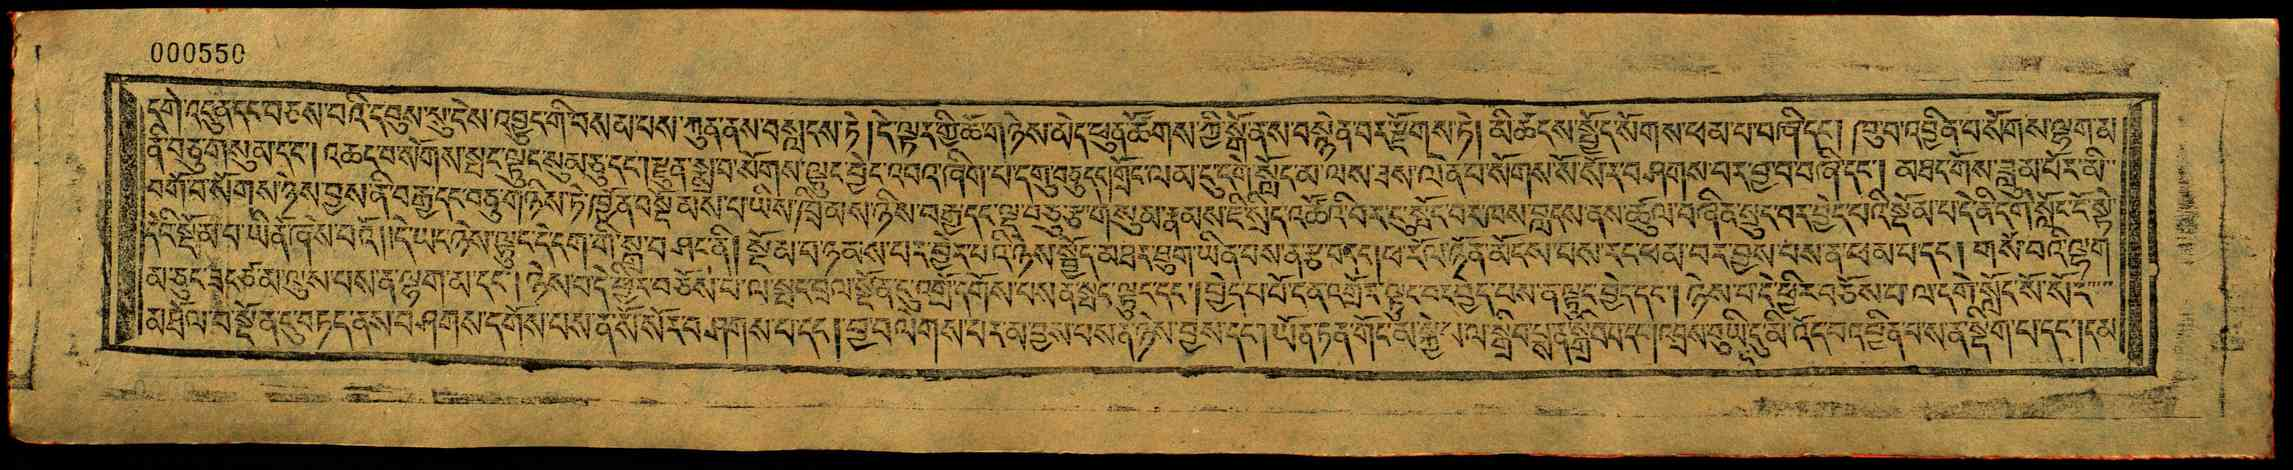དགེ་འདུན་དང་བཅས་པའི་དབུས་སུ་ངེས་འབྱུང་གི་བསམ་པས་ཀུན་ནས་བསླངས་ཏེ། ད་ལྟར་གྱི་ཆོ་ག་ཉེས་མེད་ཕུན་ཚོགས་ཀྱི་སྒོ་ནས་བསྙེན་པར་རྫོགས་ཏེ། མི་ཚངས་སྤྱོད་སོགས་ཕམ་པ་བཞི་དང་། ཁུ་བ་འབྱིན་པ་སོགས་ལྷག་མ་
ནི་བཅུ་གསུམ་དང་། འཆང་བ་སོགས་སྤང་ལྟུང་སུམ་ཅུ་དང་། རྫུན་སྨྲ་བ་སོགས་ལྟུང་བྱེད་འབའ་ཞིག་པ་དགུ་བཅུ་དང་། གྲོང་ལམ་དུ་དགེ་སློང་མ་ལས་ཟས་ལེན་པ་སོགས་སོ་སོར་བཤགས་པར་བྱ་བ་བཞི་དང་། མཐང་གོས་ཟླུམ་པོར་མི་
བགོ་བ་སོགས་ཉེས་བྱས་ནི་བརྒྱ་དང་བཅུ་གཉིས་ཏེ་ཁྱོན་བསྡོམས་པ་ཡིས་ཁྲིམས་ཉིས་བརྒྱ་དང་ལྔ་བཅུ་རྩ་གསུམ་རྣམས་ཇི་སྲིད་འཚོའི་བར་དུ་སྤོང་བར་ཁས་བླངས་ནས་ཚུལ་བཞིན་སྲུང་བར་བྱེད་པའི་སྡོམ་པ་དེ་ནི་དགེ་སློང་ངོ་སྟེ་
དེའི་སྡོམ་པ་ཡིན་ནོ་ཞེས་པའོ། །དེ་ཡང་ཉེས་ལྟུང་དེ་དག་གི་སྒྲ་བཤད་ནི། སྡོམ་པ་ཉམས་པར་བྱེད་པའི་ཉེས་སྤྱོད་མཐར་ཐུག་ཡིན་པས་ན་རྩ་བ་དང་། ཕ་རོལ་ཉོན་མོངས་པས་རང་ཕམ་པར་བྱས་པས་ན་ཕམ་པ་དང་། གསོ་བའི་ལྷག་
མ་ཅུང་ཟད་ཙམ་ལུས་པས་ན་ལྷག་མ་དང་། ཉེས་པ་དེ་ཕྱིར་བཅོས་པ་ལ་སྤང་བྲལ་སྔོན་དུ་འགྲོ་དགོས་པས་ན་སྤང་ལྟུང་དང་། བྱེད་པ་པོ་ངན་འགྲོར་ལྟུང་བར་བྱེད་པས་ན་ལྟུང་བྱེད་དང་། ཉེས་པ་དེ་ཕྱིར་བཅོས་པ་ལ་དགེ་སློང་སོ་སོར་
མཐོལ་བ་སྔོན་དུ་བཏང་ནས་བཤགས་དགོས་པས་ན་སོ་སོར་བཤགས་པ་དང་། བྱ་བ་ལེགས་པར་མ་བྱས་པས་ན་ཉེས་བྱས་དང་། ཡོན་ཏན་གོང་མ་སྐྱེ་བ་ལ་སྒྲིབ་པས་ན་སྒྲིབ་པ་དང་། འབྲས་བུ་ཡི་དུ་མི་འོང་བ་འབྱིན་པས་ན་སྡིག་པ་དང་། དམ་